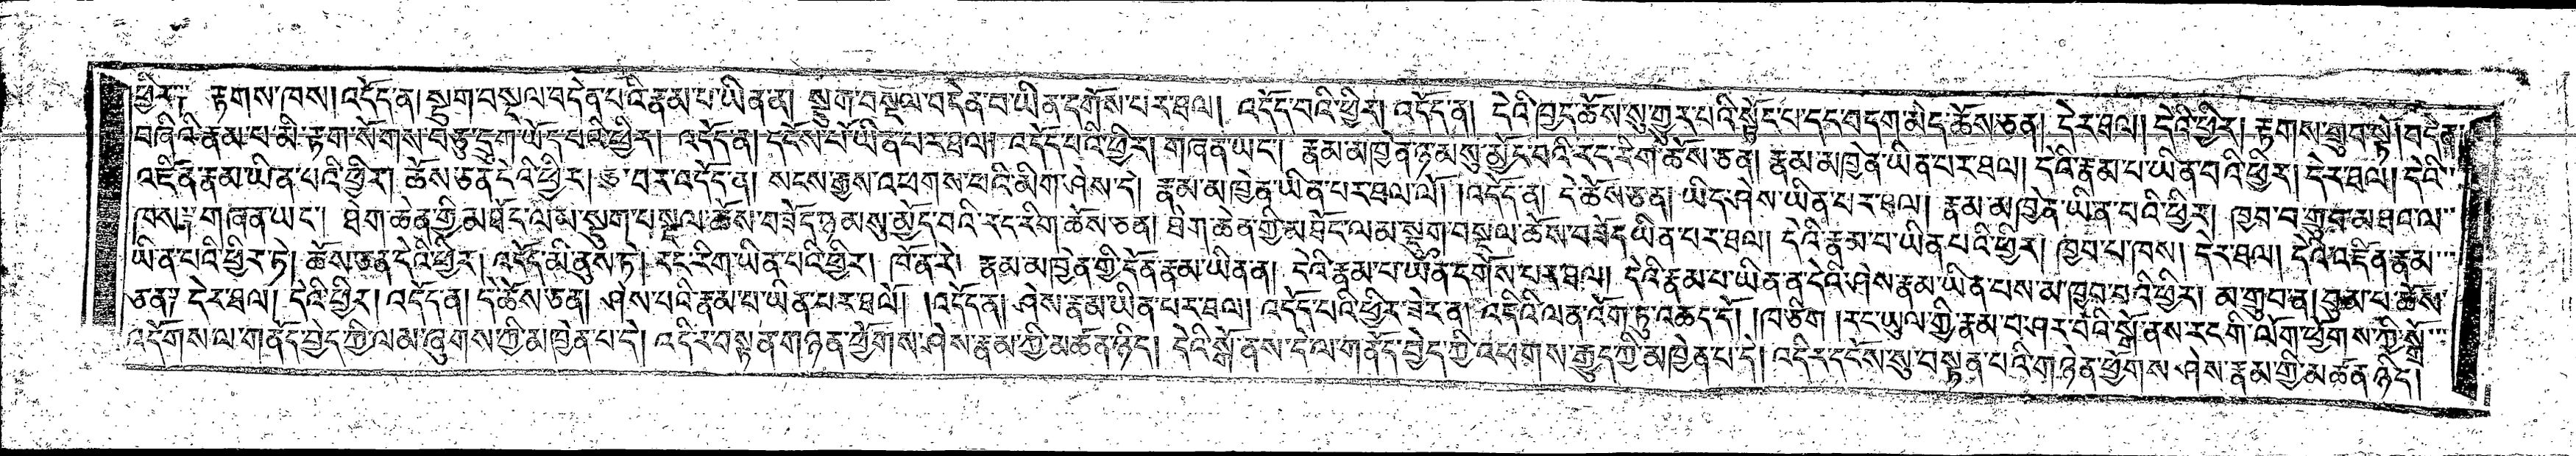ཕྱིར༑ རྟགས་ཁས། འདོད་ན། སྡུག་བསྔལ་བདེན་པའི་རྣམ་པ་ཡིན་ན། སྡུག་བསྔལ་བདེན་པ་ཡིན་དགོས་པར་ཐལ། འདོད་པའི་ཕྱིར། འདོད་ན། དེའི་ཁྱད་ཆོས་སུ་གྱུར་པའི་སྟོང་པ་དང་བདག་མེད་ཆོས་ཅན། དེར་ཐལ། དེའི་ཕྱིར། རྟགས་གྲུབ་སྟེ། བདེན་
བཞིའི་རྣམ་པ་མི་རྟག་སོགས་བཅུ་དྲུག་ཡོད་པའི་ཕྱིར། འདོད་ན། དངོས་པོ་ཡིན་པར་ཐལ། འདོད་པའི་ཕྱིར། གཞན་ཡང་། རྣམ་མཁྱེན་ཉམ་སུ་མྱོང་བའི་རང་རིག་ཆོས་ཅན། རྣམ་མཁྱེན་ཡིན་པར་ཐལ། དེའི་རྣམ་པ་ཡིན་པའི་ཕྱིར། དེར་ཐལ། དེའི་
འཛིན་རྣམ་ཡིན་པའི་ཕྱིར། ཆོས་ཅན་དེའི་ཕྱིར། རྩ་བར་འདོད་ན། སངས་རྒྱས་འཕགས་པའི་མིག་ཤེས་དེ། རྣམ་མཁྱེན་ཡིན་པར་ཐལ་ལོ། །འདོད་ན། དེ་ཆོས་ཅན། ཡིད་ཤེས་ཡིན་པར་ཐལ། རྣམ་མཁྱེན་ཡིན་པའི་ཕྱིར། ཁྱབ་པ་གྲུབ་མཐའ་ལ་
ཁས༑ གཞན་ཡང་། ཐེག་ཆེན་གྱི་མཐོང་ལམ་སྡུག་བསྔལ་ཆོས་བཟོད་ཉམས་སུ་མྱོད་བའི་རང་རིག་ཆོས་ཅན། ཐེག་ཆེན་གྱི་མཐོང་ལམ་སྡུག་བསྔལ་ཆོས་བཟོད་ཡིན་པར་ཐལ། དེའི་རྣམ་པ་ཡིན་པའི་ཕྱིར། ཁྱབ་པ་ཁས། དེར་ཐལ། དེའི་འཛིན་རྣམ་
ཡིན་པའི་ཕྱིར་ཏེ། ཆོས་ཅན་དེའི་ཕྱིར། འདོད་མི་ནུས་ཏེ། རང་རིག་ཡིན་པའི་ཕྱིར། ཁོ་ན་རེ། རྣམ་མཁྱེན་གྱི་དོན་རྣམ་ཡིན་ན། དེའི་རྣམ་པ་ཡིན་དགོས་པར་ཐལ། དེའི་རྣམ་པ་ཡིན་ན་དེའི་ཤེས་རྣམ་ཡིན་པས་མ་ཁྱབ་པའི་ཕྱིར། མ་གྲུབ་ན། བུམ་པ་ཆོས་
ཅན༑ དེར་ཐལ། དེའི་ཕྱིར། འདོད་ན། དེ་ཆོས་ཅན། ཤེས་པའི་རྣམ་པ་ཡིན་པར་ཐལ་ལོ། །འདོད་ན། ཤེས་རྣམ་ཡིན་པར་ཐལ། འདོད་པའི་ཕྱིར་ཟེར་ན། འདིའི་ལན་འོག་ཏུ་འཆད་དོ། །ཁ་ཅིག །རང་ཡུལ་གྱི་རྣམ་པ་ཤར་བའི་སྒོ་ནས་རང་གི་ལོག་ཕྱོགས་ཀྱི་སྒྲོ་
འདོགས་ལ་གནོད་བྱེད་ཀྱི་ལམ་ཞུགས་ཀྱི་མཁྱེན་པ་དེ། འདིར་བསྟན་གཉན་ཕྱོགས་ཤེས་རྣམ་ཀྱི་མཚན་ཉིད། དེའི་སྒོ་ནས་དེ་ལ་གནོད་བྱེད་ཀྱི་འཕགས་རྒྱུད་ཀྱི་མཁྱེན་པ་དེ། འདིར་དངོས་སུ་བསྟན་པའི་གཉེན་ཕྱོགས་ཤེས་རྣམ་གྱི་མཚན་ཉིད།